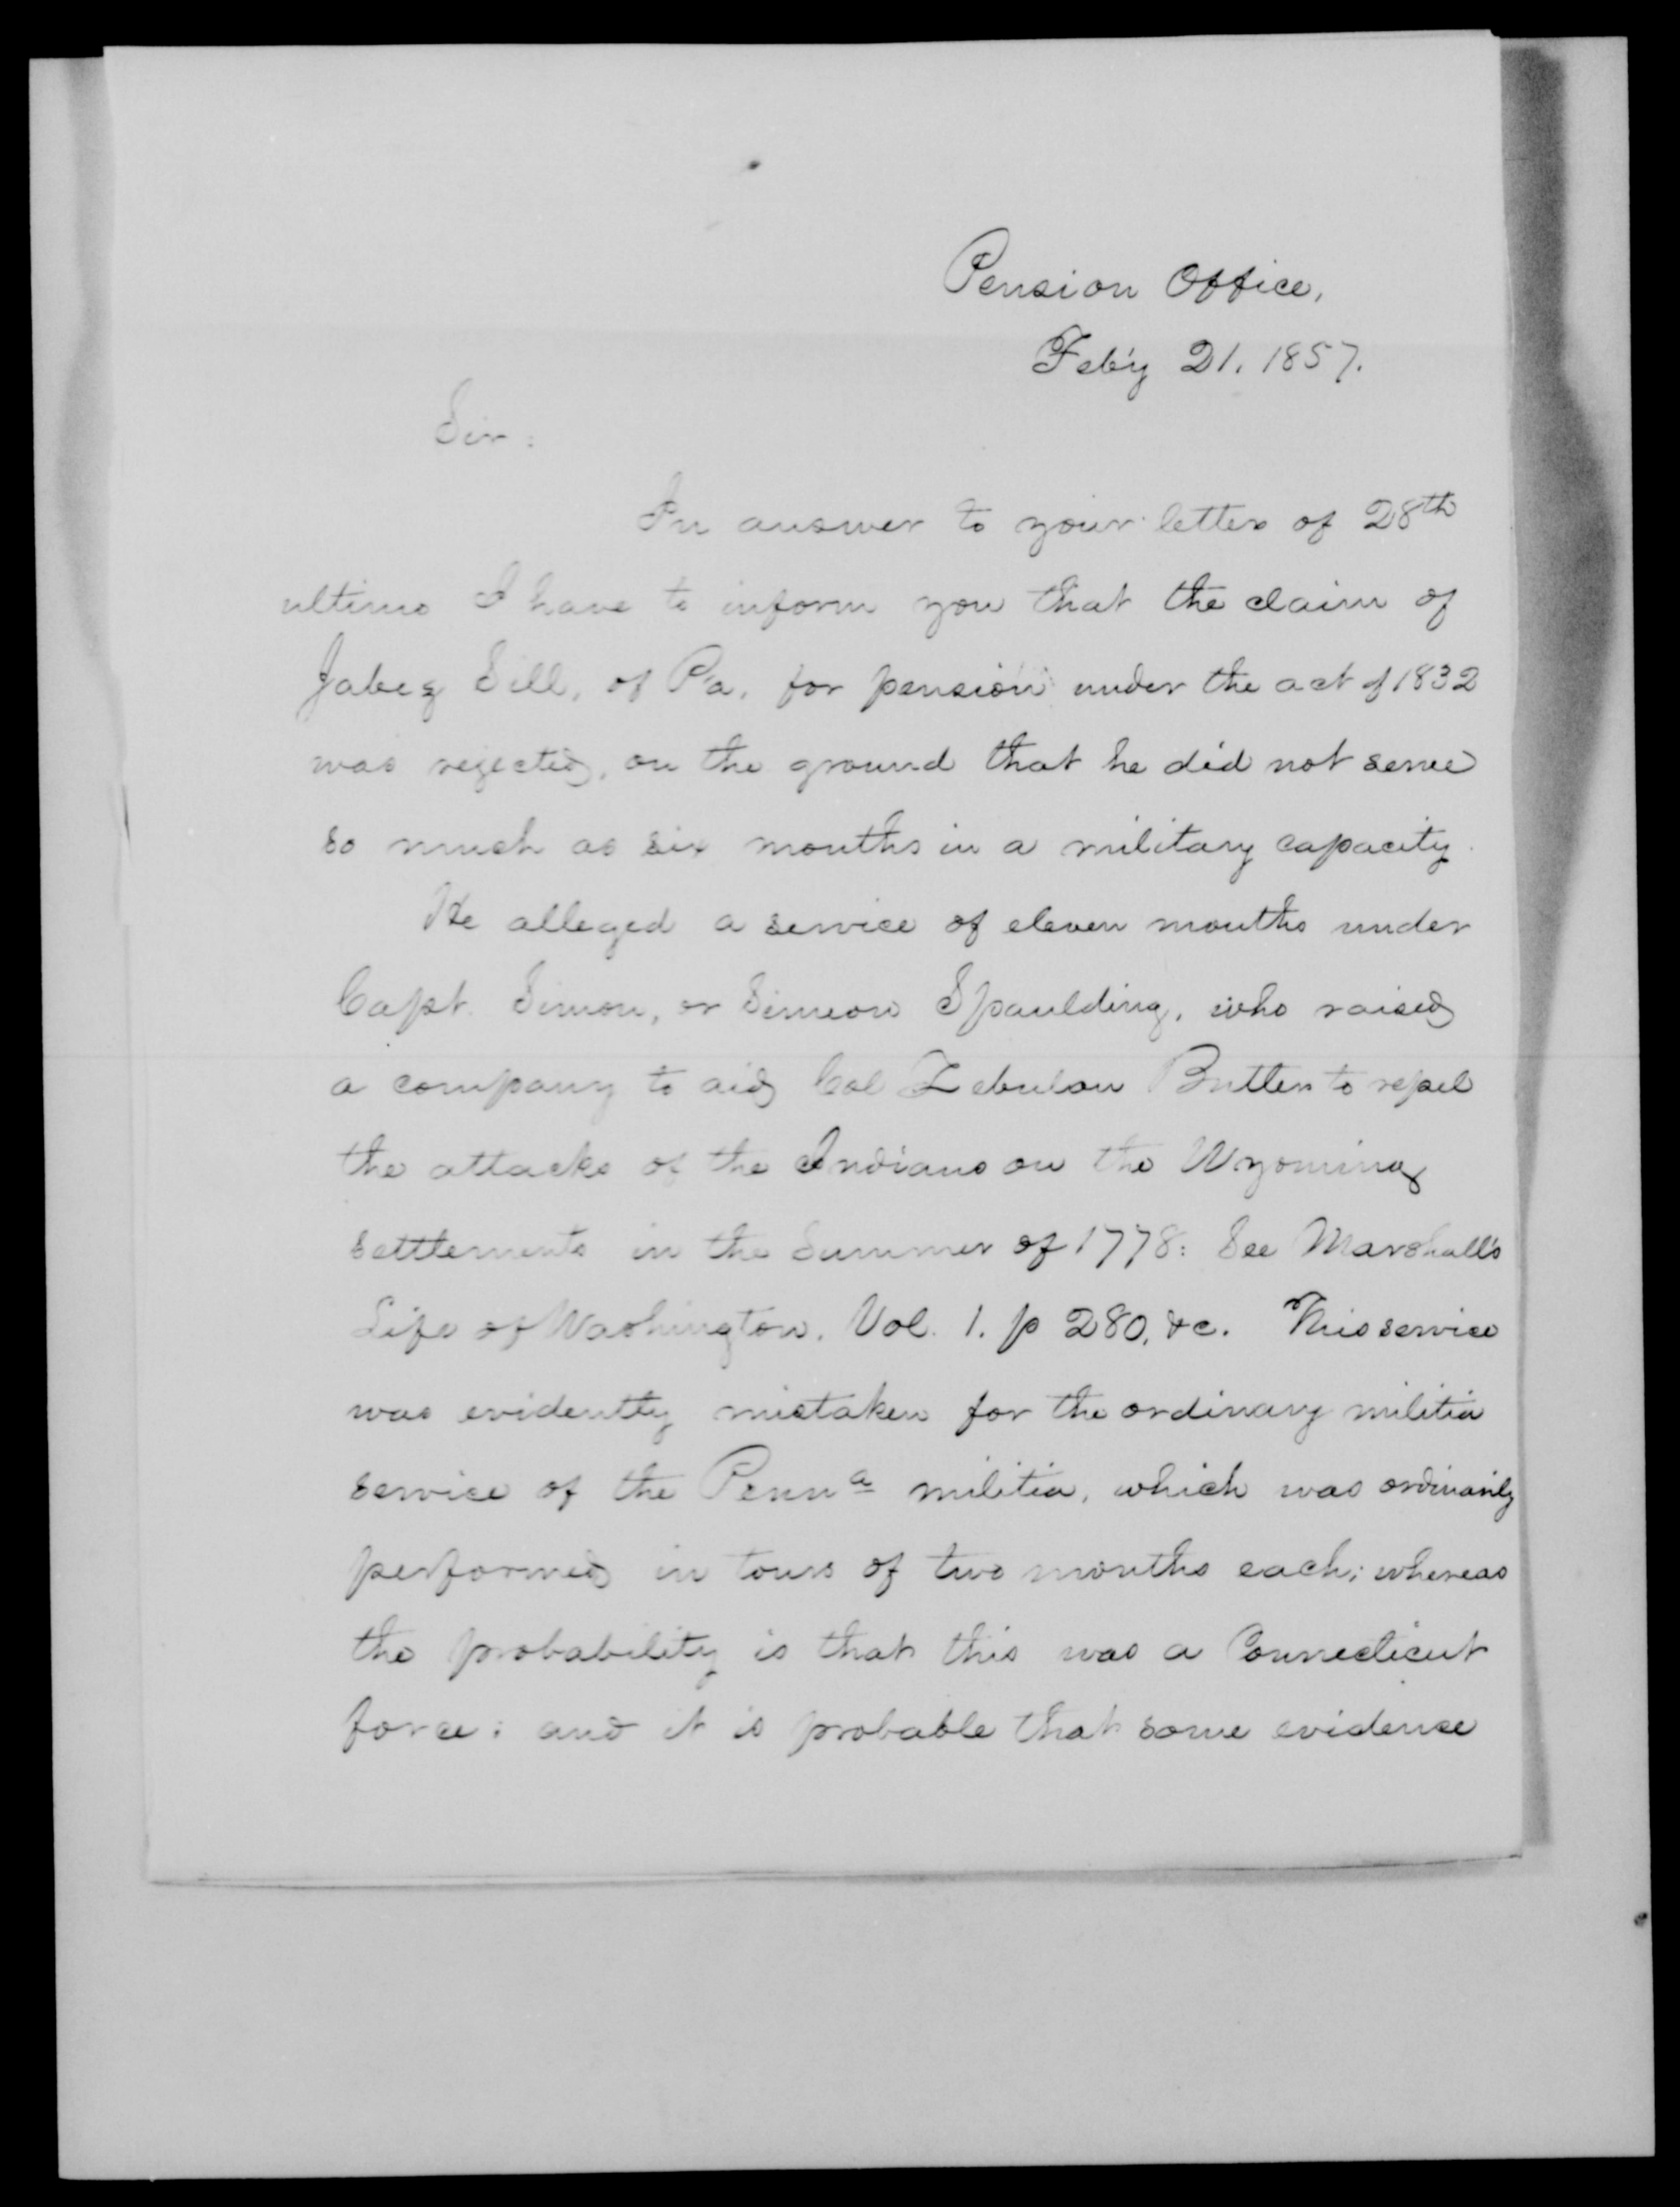Pension Office
Feb'y 21, 1857

Sir,

In answer to your letter of 28th ultimo I have to inform you that the claim of Jabez Sill, of Pa, for pension under the Act of 1832 was rejected on thee ground that he did not serve so much as six months in a military capacity.

He alleged a service of eleven months under Capt. Simon, or Simeon Spaulding, who raised a company to aid Col. Zebulon Butler to repel the attacks of the Indians on the Wyoming settlements in the summer of 1778.  See Marshall's Life of Washington, Vol. 1 P 280, etc.  This service was evidently mistaken for the ordinary militia service of the Penna militia, which was ordinarily performed in tours of two months each, whereas the probability is that this was a Connecticut force, and it is probable that some evidence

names: Zebulon Butler; [BLANK] Marshall; Simeon Spaulding; Simon Spaulding; Jabez Sill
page: 23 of 29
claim: rejected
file: R. 9570, for Jabez Sill, Connecticut